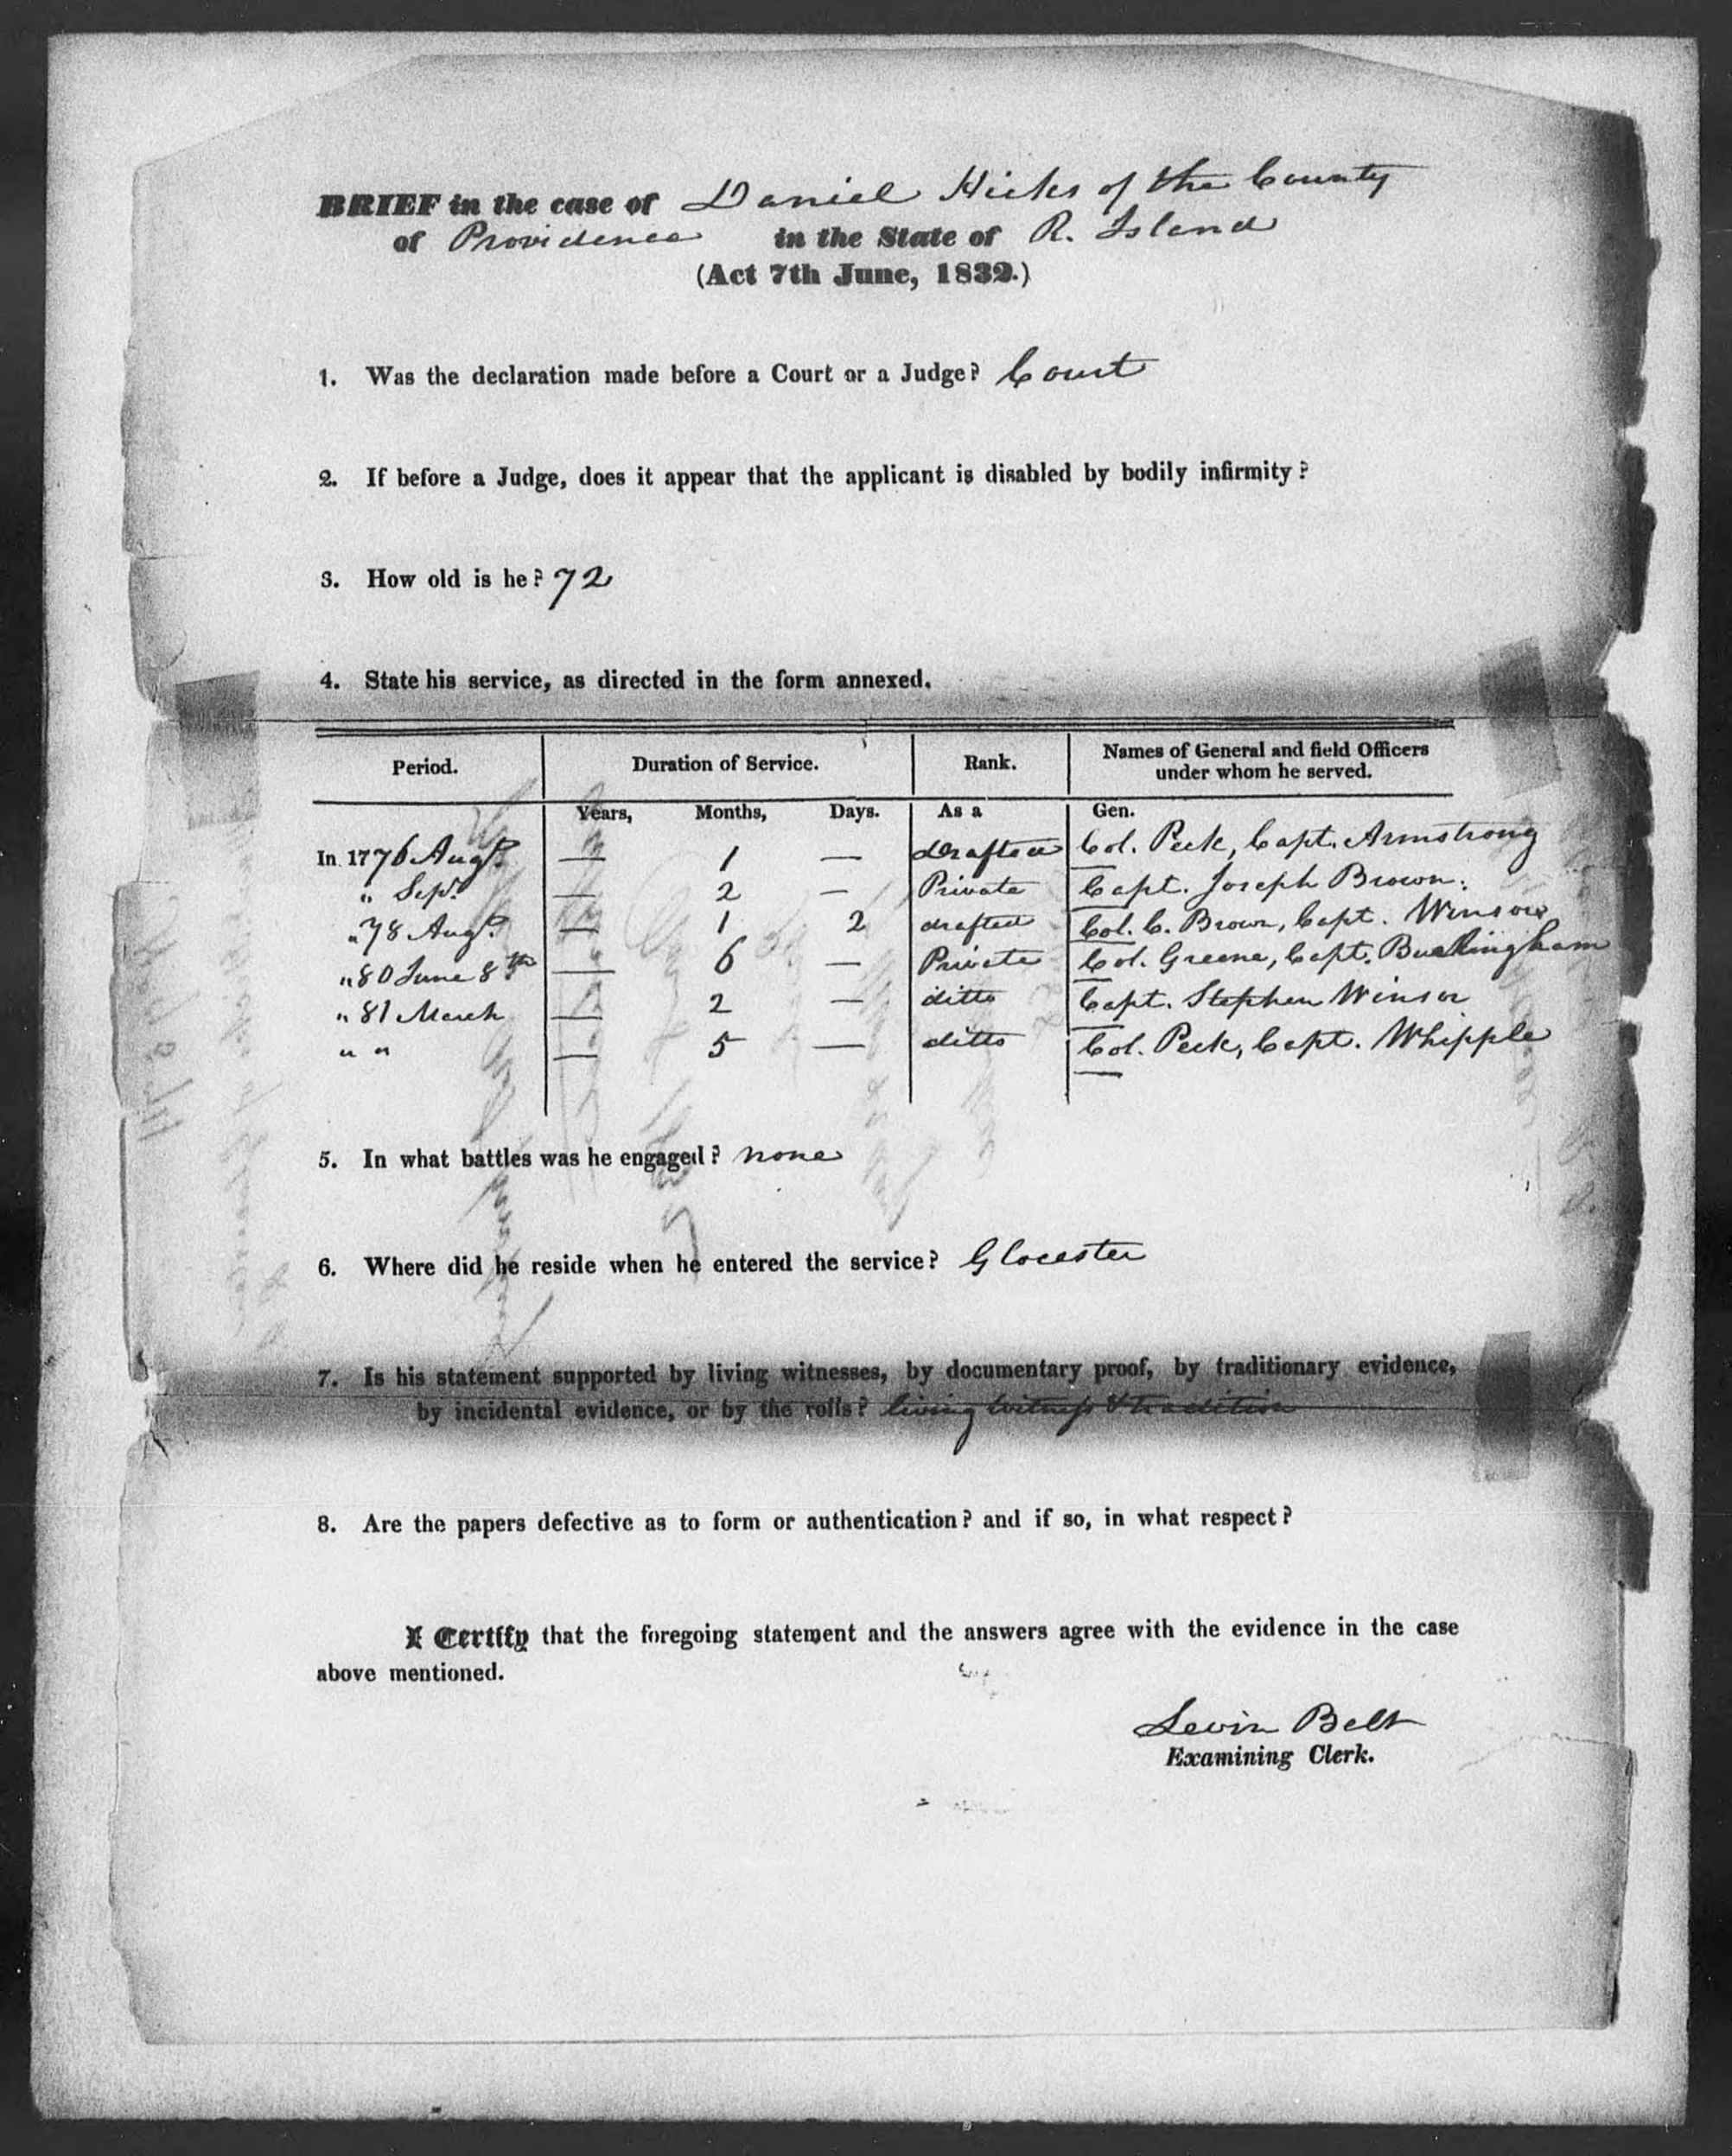BRIEF in the case of Daniel Hicks of the County
of Providence in the State of R. Island
(Act 7th June, 1832.)
1. Was the declaration made before a Court or a Judge? Court
2. If before a Judge, does it appear that the applicant is disabled by bodily infirmity?
3. How old is he? 72
4. State his service, as directed in the form annexed.

Period.
In 1776 Aug
Sept
78 Aug
80 June 8th
" 81 March
in

Duration of Service.
Years, 
Months
1
2
1
6
5
Days.
-
-
2
---

Rank.
As a
Draftice
Private
draftee
Private
ditto
ditto

Names of General and field Officers
under whom he served.
Gen.
Col. Peek, Capt. Armstrong
Capt. Joseph Brown
Col. C. Brown, Capt. Winson
Col. Greene, Capt. Buckingham
Capt. Stephen Winson
Col. Peck, Capt. Whipple
5. In what battles was he engaged? none
6. Where did he reside when he entered the service? Glocester
7. Is his statement supported
by living witnesses, 
by documentary props, by traditionary evidence, by incidental evidence, or by the rolls? living withness & traditionary
8. Are the papers defective as to form or authentication? and if so, in what respect?
above mentioned.
I certify that the foregoing statement and the answers agree with the evidence in the case
Levin Bell
Examining Clerk.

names: Stephen Winson, Peck, Buckingham, Peck, Brown, Levin Belt, Armstrong, Winson, Daniel Hicks, Whipple, Joseph Brown, Greene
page: 15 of 17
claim: survivor's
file: S. 21285, Daniel Hicks, R.I.